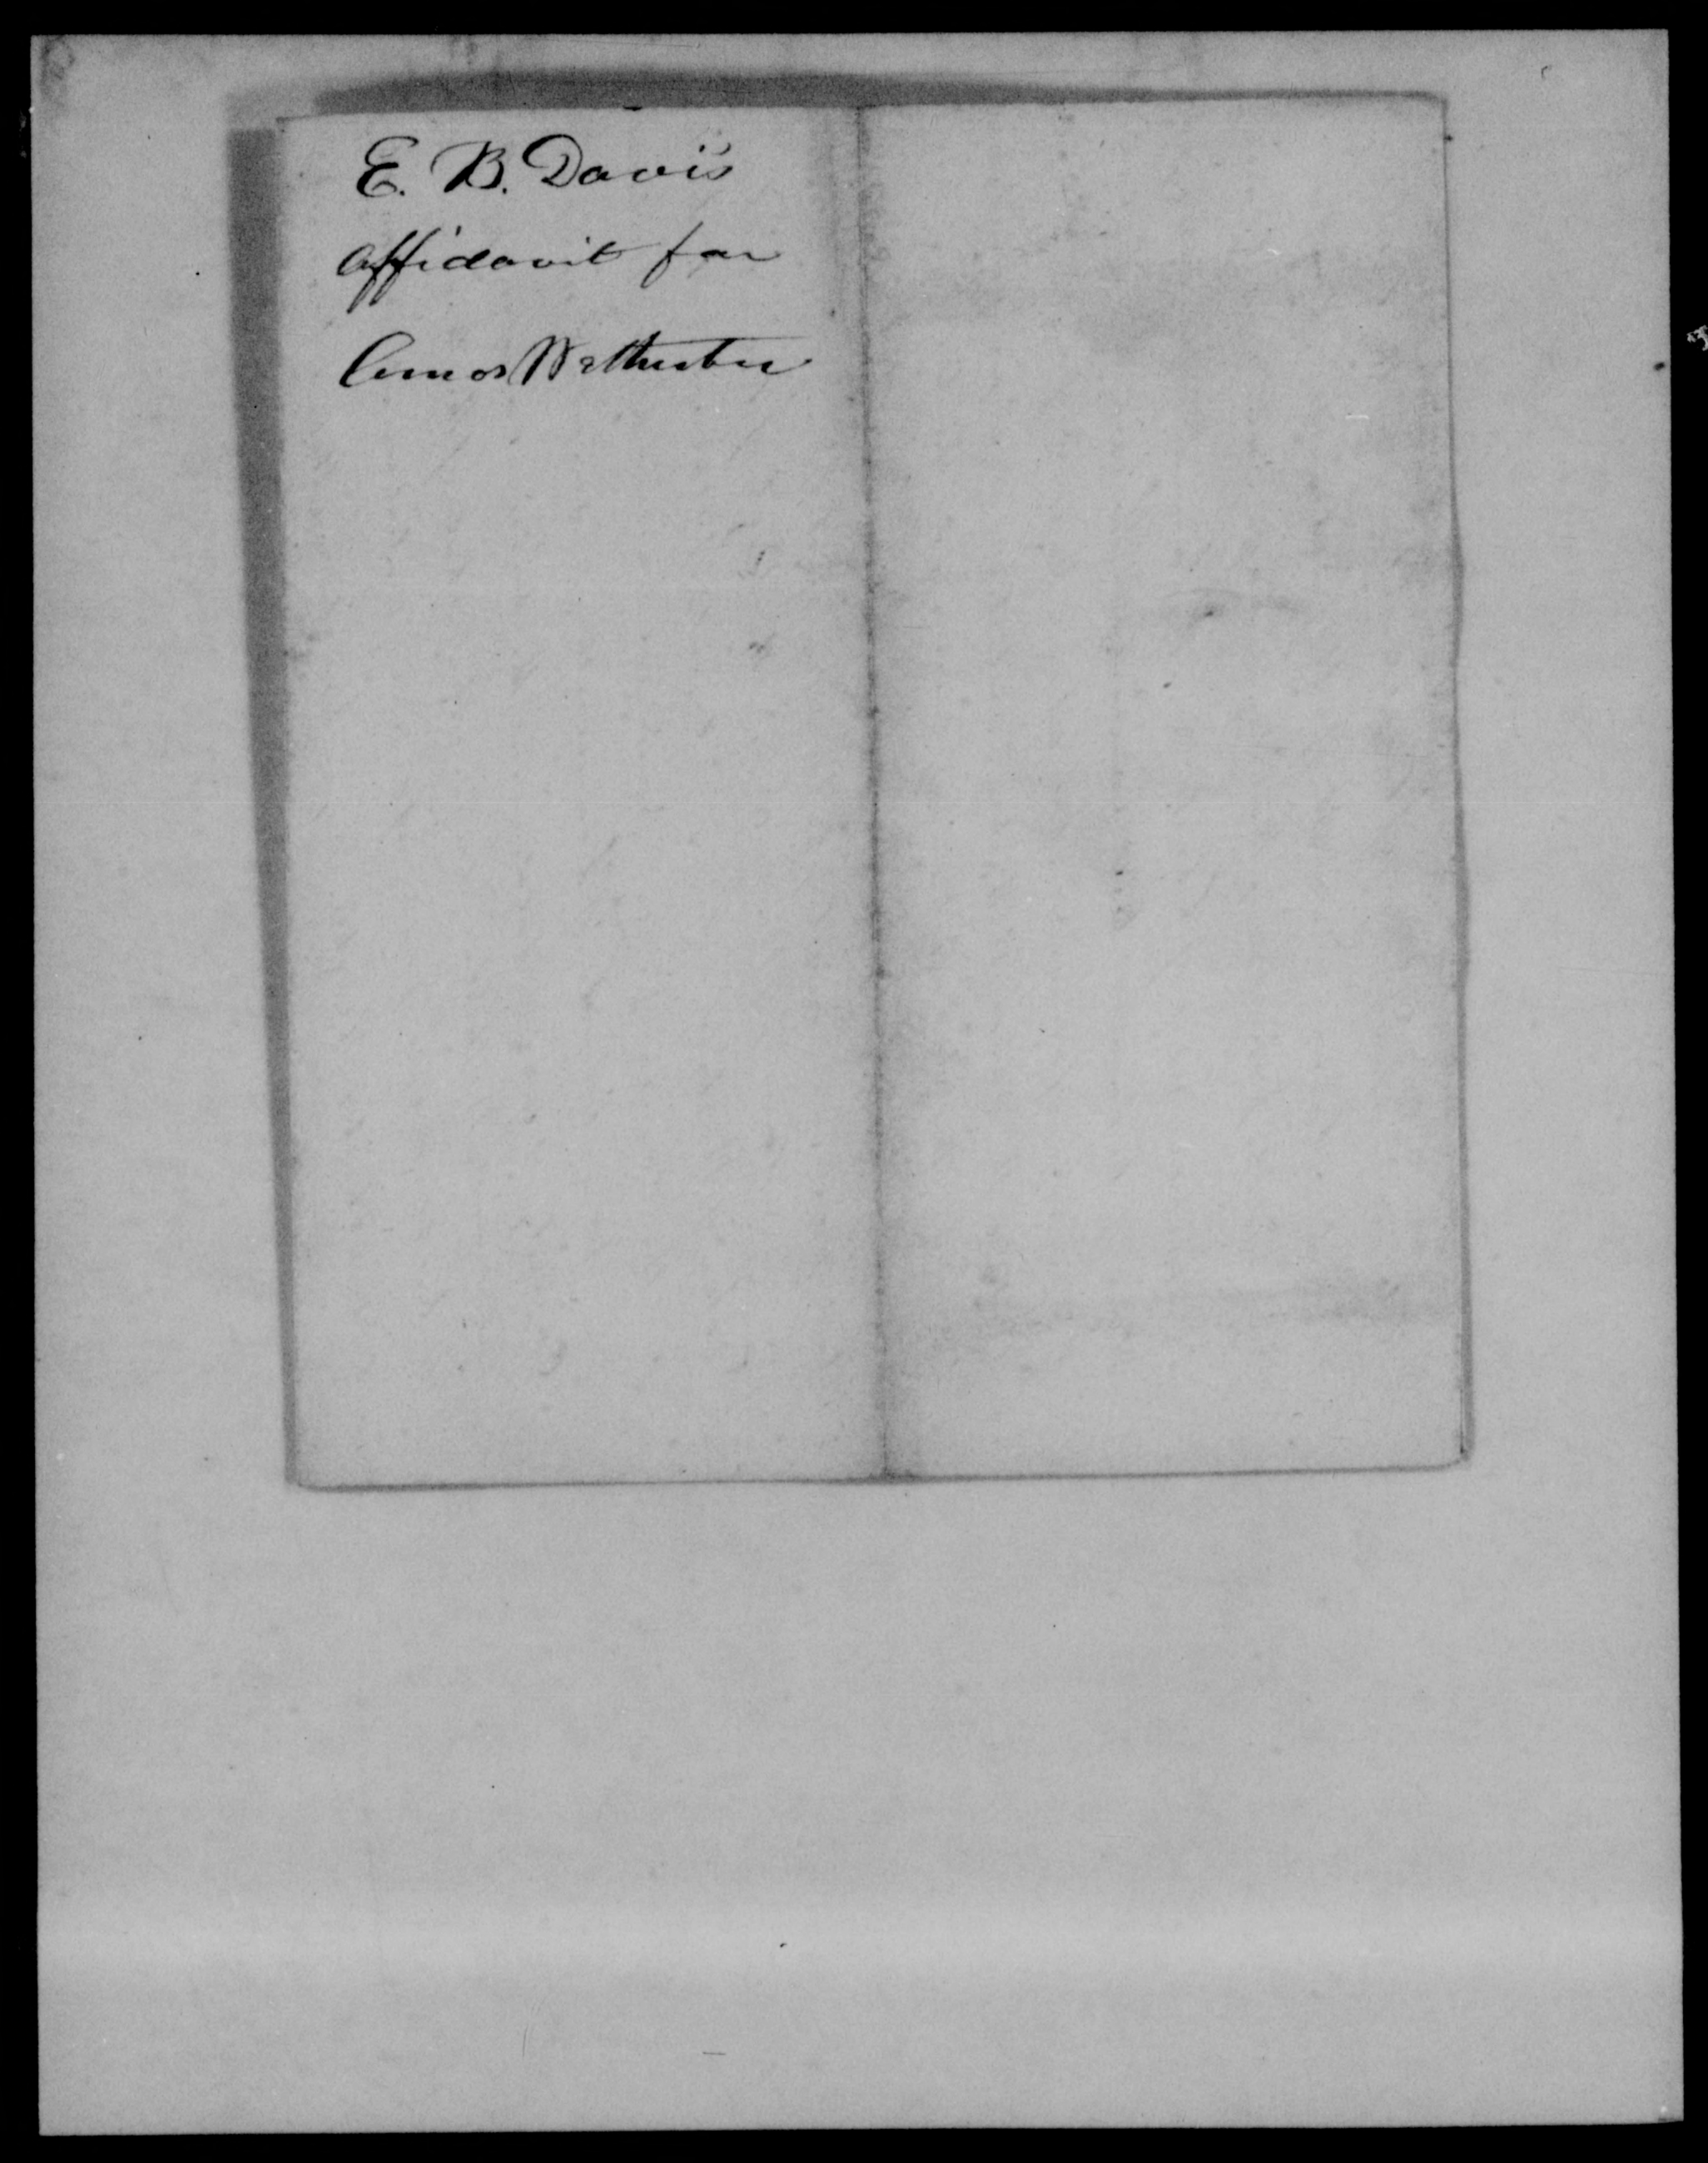E.B. Davis
affidavit for Amos Wetherbee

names: Amos Wetherbee, E B Davis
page: 40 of 66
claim: widow's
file: W. 2468, Amos Wetherbee, Mass.